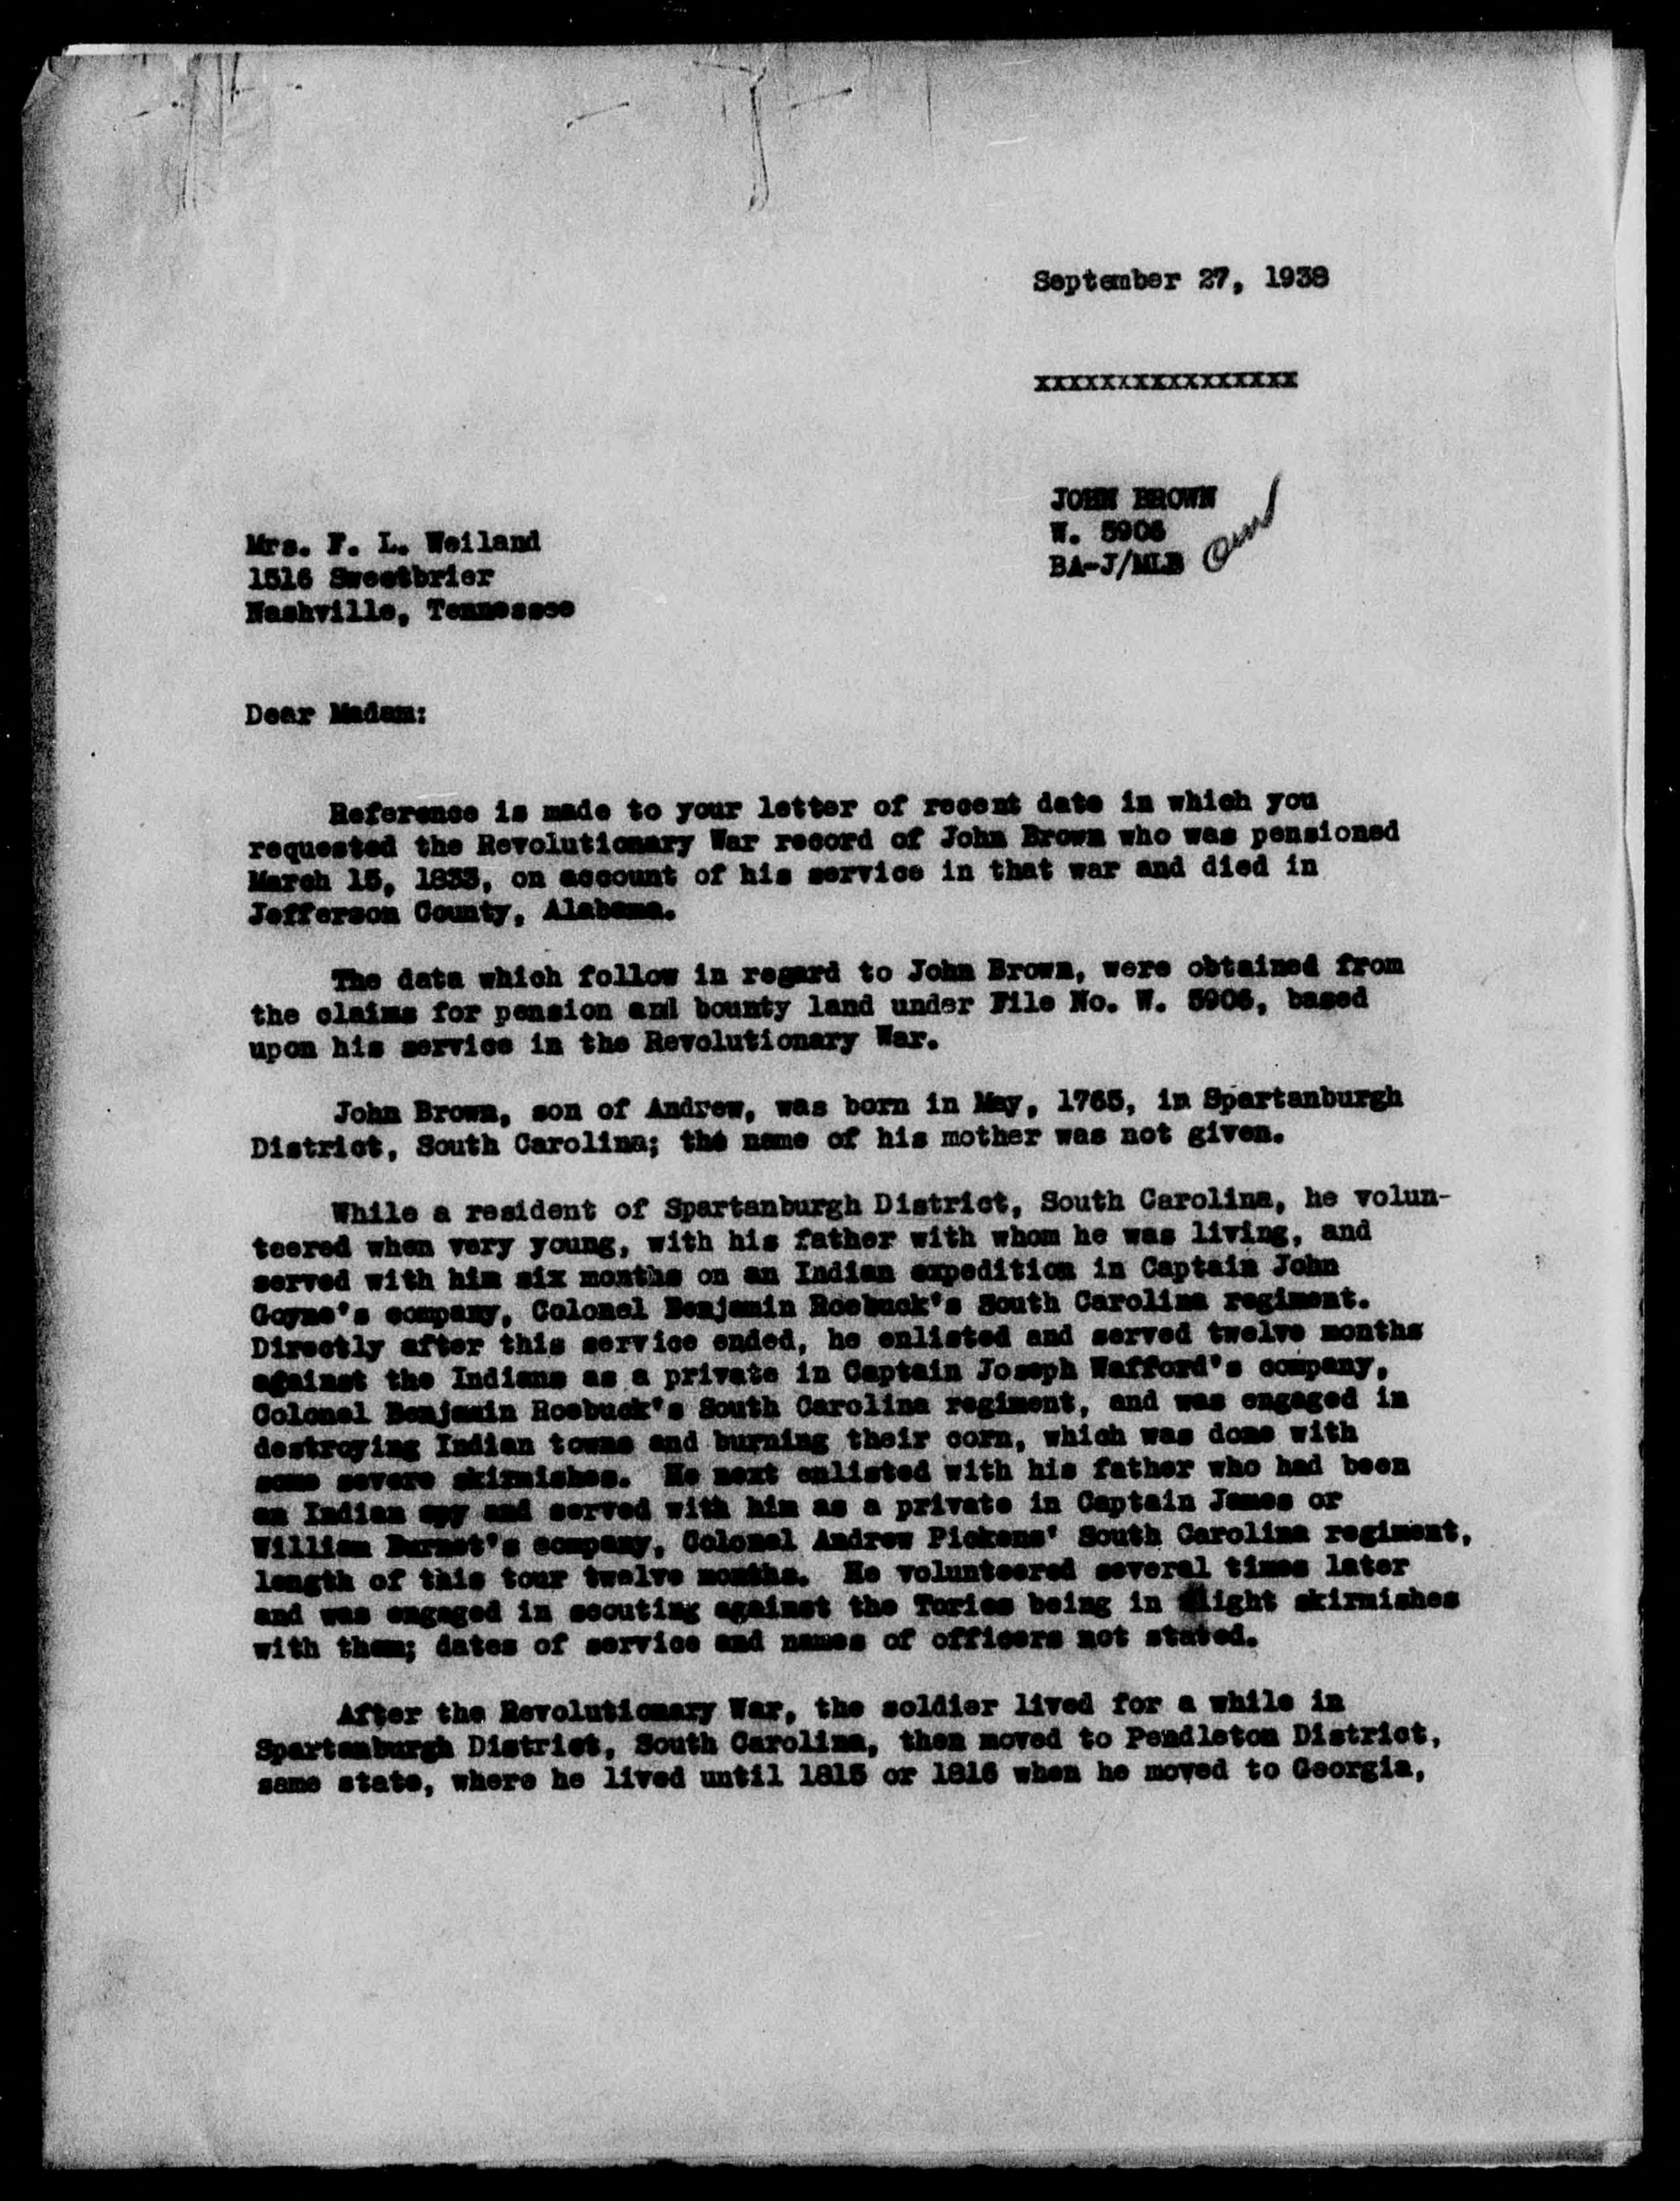September 27, 1938
xxxxxxxxxxxxxxxxx

JOHN BROWN
W. 5906
BA-J/MLB

Mrs. F. L. Weiland
1516 Sweetbrier
Nashville, Tennessee 

Dear Madam：
Reference is made to your letter of recent date in which you
requested the Revolutionary War record of John Brown who was pensioned March 15, 1835, on account of his service in that war and died in 
Jefferson County, Alabama.

The data which follow in regard to John Brown, were obtained from
the claims for pension and bounty land under File No. W. 5906, base
upon his service in the Revolutionary War.

John Brown, son of Andrew, was born in May, 1765, in Spartanburgh,
District, South Carolina ; the name of this mother was not given.

While a resident of Spartanburgh District,  South Caroline, he volunteered
when very young, with his father with whom he was living, and
served with him six months on an Indian expedition in Captain John 
Coyne's company, Colonel Benjamin Roebuck's South Carolina  regiment.
Directly after this service ended, he enlisted and served twelve months
against the Indians as a private in Captain Joseph Wofford's company
 Colonel Benjamin Roebuck's South Carolina  regiment, and was engaged in
destroying Indian towns and burning their corn, which was done with
some severe skirmishes.  He next enlisted with his father who had  been an Indian spy and served with him as a private in Captain James or
William Burnet's company,  Colonel Andrew Picken's South Carolina  regiment,   
length of this tour twelve months.  He volunteered several times later 
and was engaged in scouting against the Tories being in light skirmishes
with them; dates of service and names of officers not stated.

After the Revolutionary War , the soldier lived for a while in
Spartanburgh District , South Carolina, then moved to Pendleton District,
same state, where he lived until 1815 or 1816 when he moved to Georgia,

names: Andrew, John Brown, John Brown, John Brown, John Brown, F L Weiland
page: 27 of 85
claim: widow's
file: W. 5,906, John Brown, S.C.